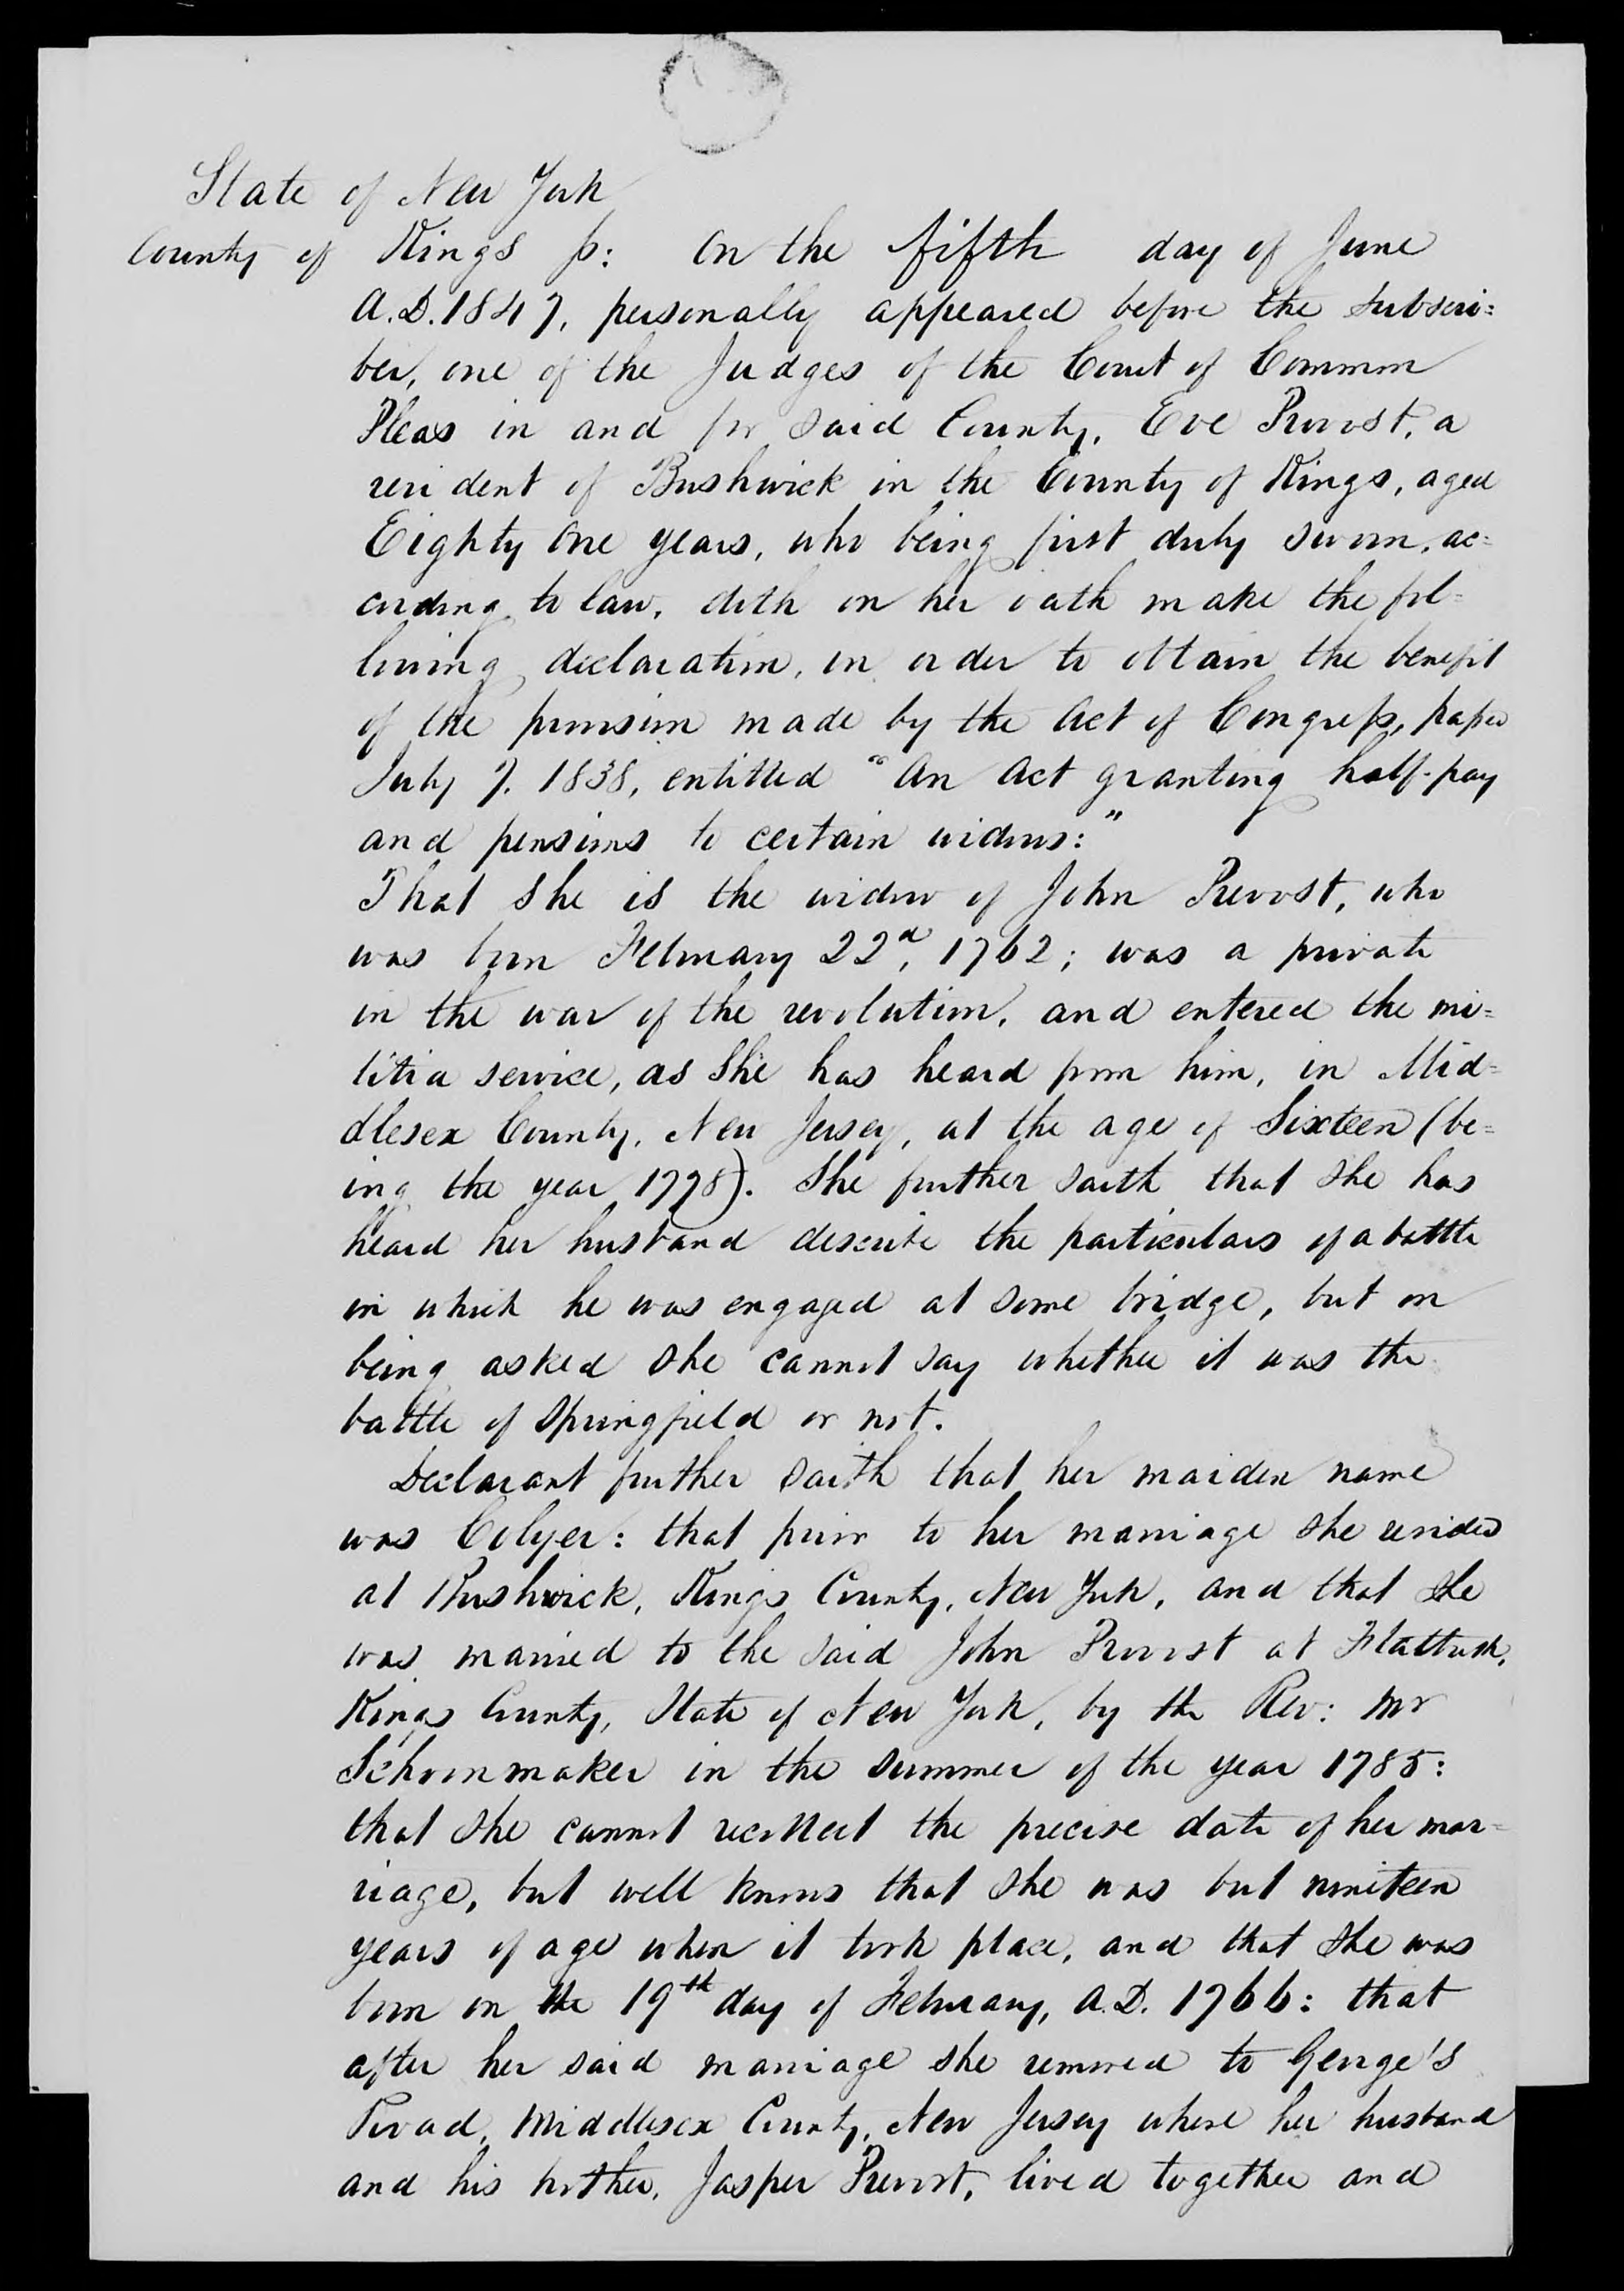State of New York County of Kings SS: On the fifth day of June A.D. 1847, personally appeared before the subscriber one of the Judges of the Court of Common Pleas in and for said County Eve Provost, a resident of Buskwick in the County of Kings, aged Eighty One years, who being first duly sworn according to law doth on her oath make the following declaration in order to obtain the benefit of the pension made by the Act of Congress passed July 7, 1838, entitled "An Act granting half-pay and pensions to certain widows:" That she is the widow of John Prevost, who was born February 22d, 1762: was a private in the war of the revolution, and entered the militia service, as she has heard from him in Middlesex County New Jersey at the age of Sixteen (being the year 1778.) She further saith that she has heard her husband describe the particulars of a battle in which he was engaged at some bridge, but on being asked she cannot say whether it was the battle of Springfield or not. Declarant further saith that her maiden name was Colyer: that prior to her marriage she resided at Bushwick, Kings County New York, and that she was married to the said John Provost at Flatbush, Kings County, State of New York, by the Rev. Mr. Schoonmaker in the summer of the year 1785: that she cannot recollect the precise date of her marriage, but well knows that she was but nineteen years of age when it took place, and that she was born on the 19th day of February, A.D. 1766: that after her said marriage she removed to George's (Genge's?) Pwad, Middlesex County, New Jersey where her husband and his borther Jasper Prevost lived together and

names: John Provost; Jasper Provost; Eve Provost; [BLANK] Colyer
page: 7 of 19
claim: rejected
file: R. 8454, for John Provoost, New Jersey